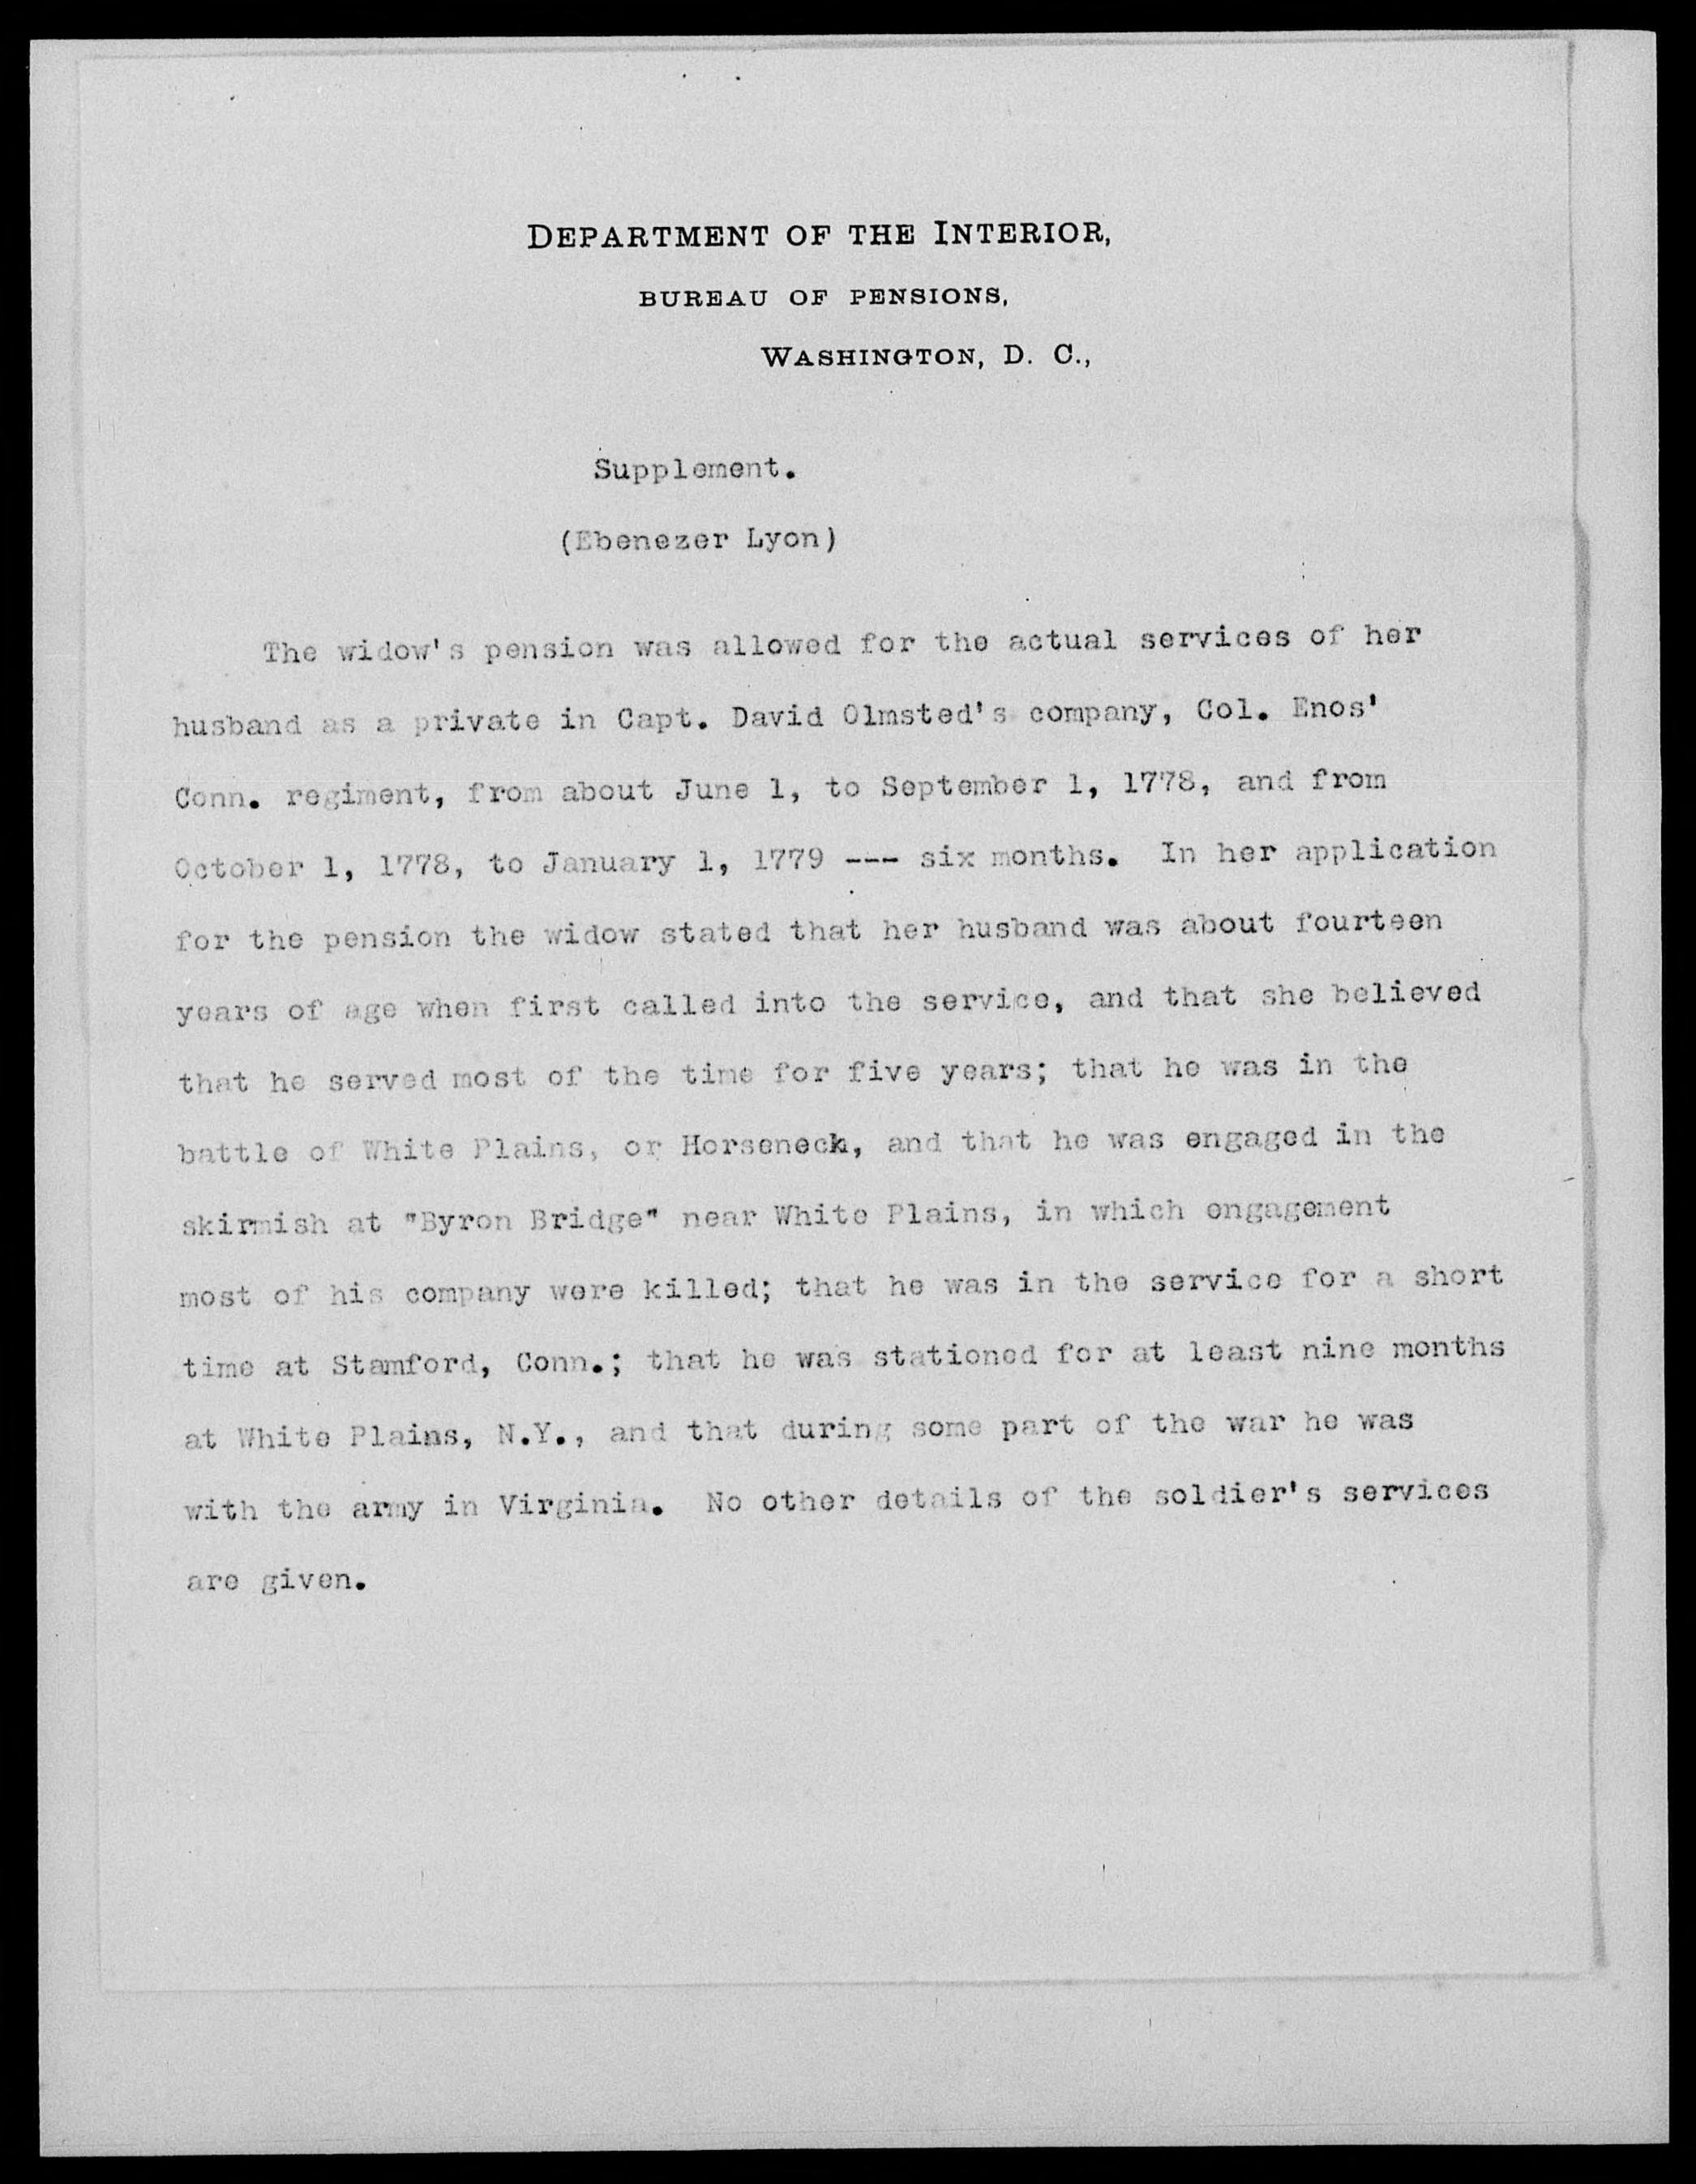DEPARTMENT OF THE INTERIOR,
BUREAU OF PENSIONS,
WASHINGTON, D. C.,

Supplement.
(Ebenezer Lyon)
The widow's pension was allowed for the actual services of her husband as a private in Capt. David Olmsted's company, Col. Enos' Conn. regiment, from about June 1, to September 1, 1778, and from October 1, 1778, to January 1, 1779 --- six months. In her application for the pension the widow stated that her husband was about fourteen years of age when first called into the service, and that she believed that he served most of the time for five years; that he was in the battle of White Plains, or Horseneck, and that he was engaged in the skirmish at "Byron Bridge" near White Plains, in which engagement most of his company were killed; that he was in the service for a short time at Stamford, Conn.; that he was stationed for at least nine months at White Plains, N.Y., and that during some part of the war he with the army in Virginia. No other details of the soldier's services are given.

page: 9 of 40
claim: widow's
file: W. 24,615, for Ebenezer Lyon, Connecticut